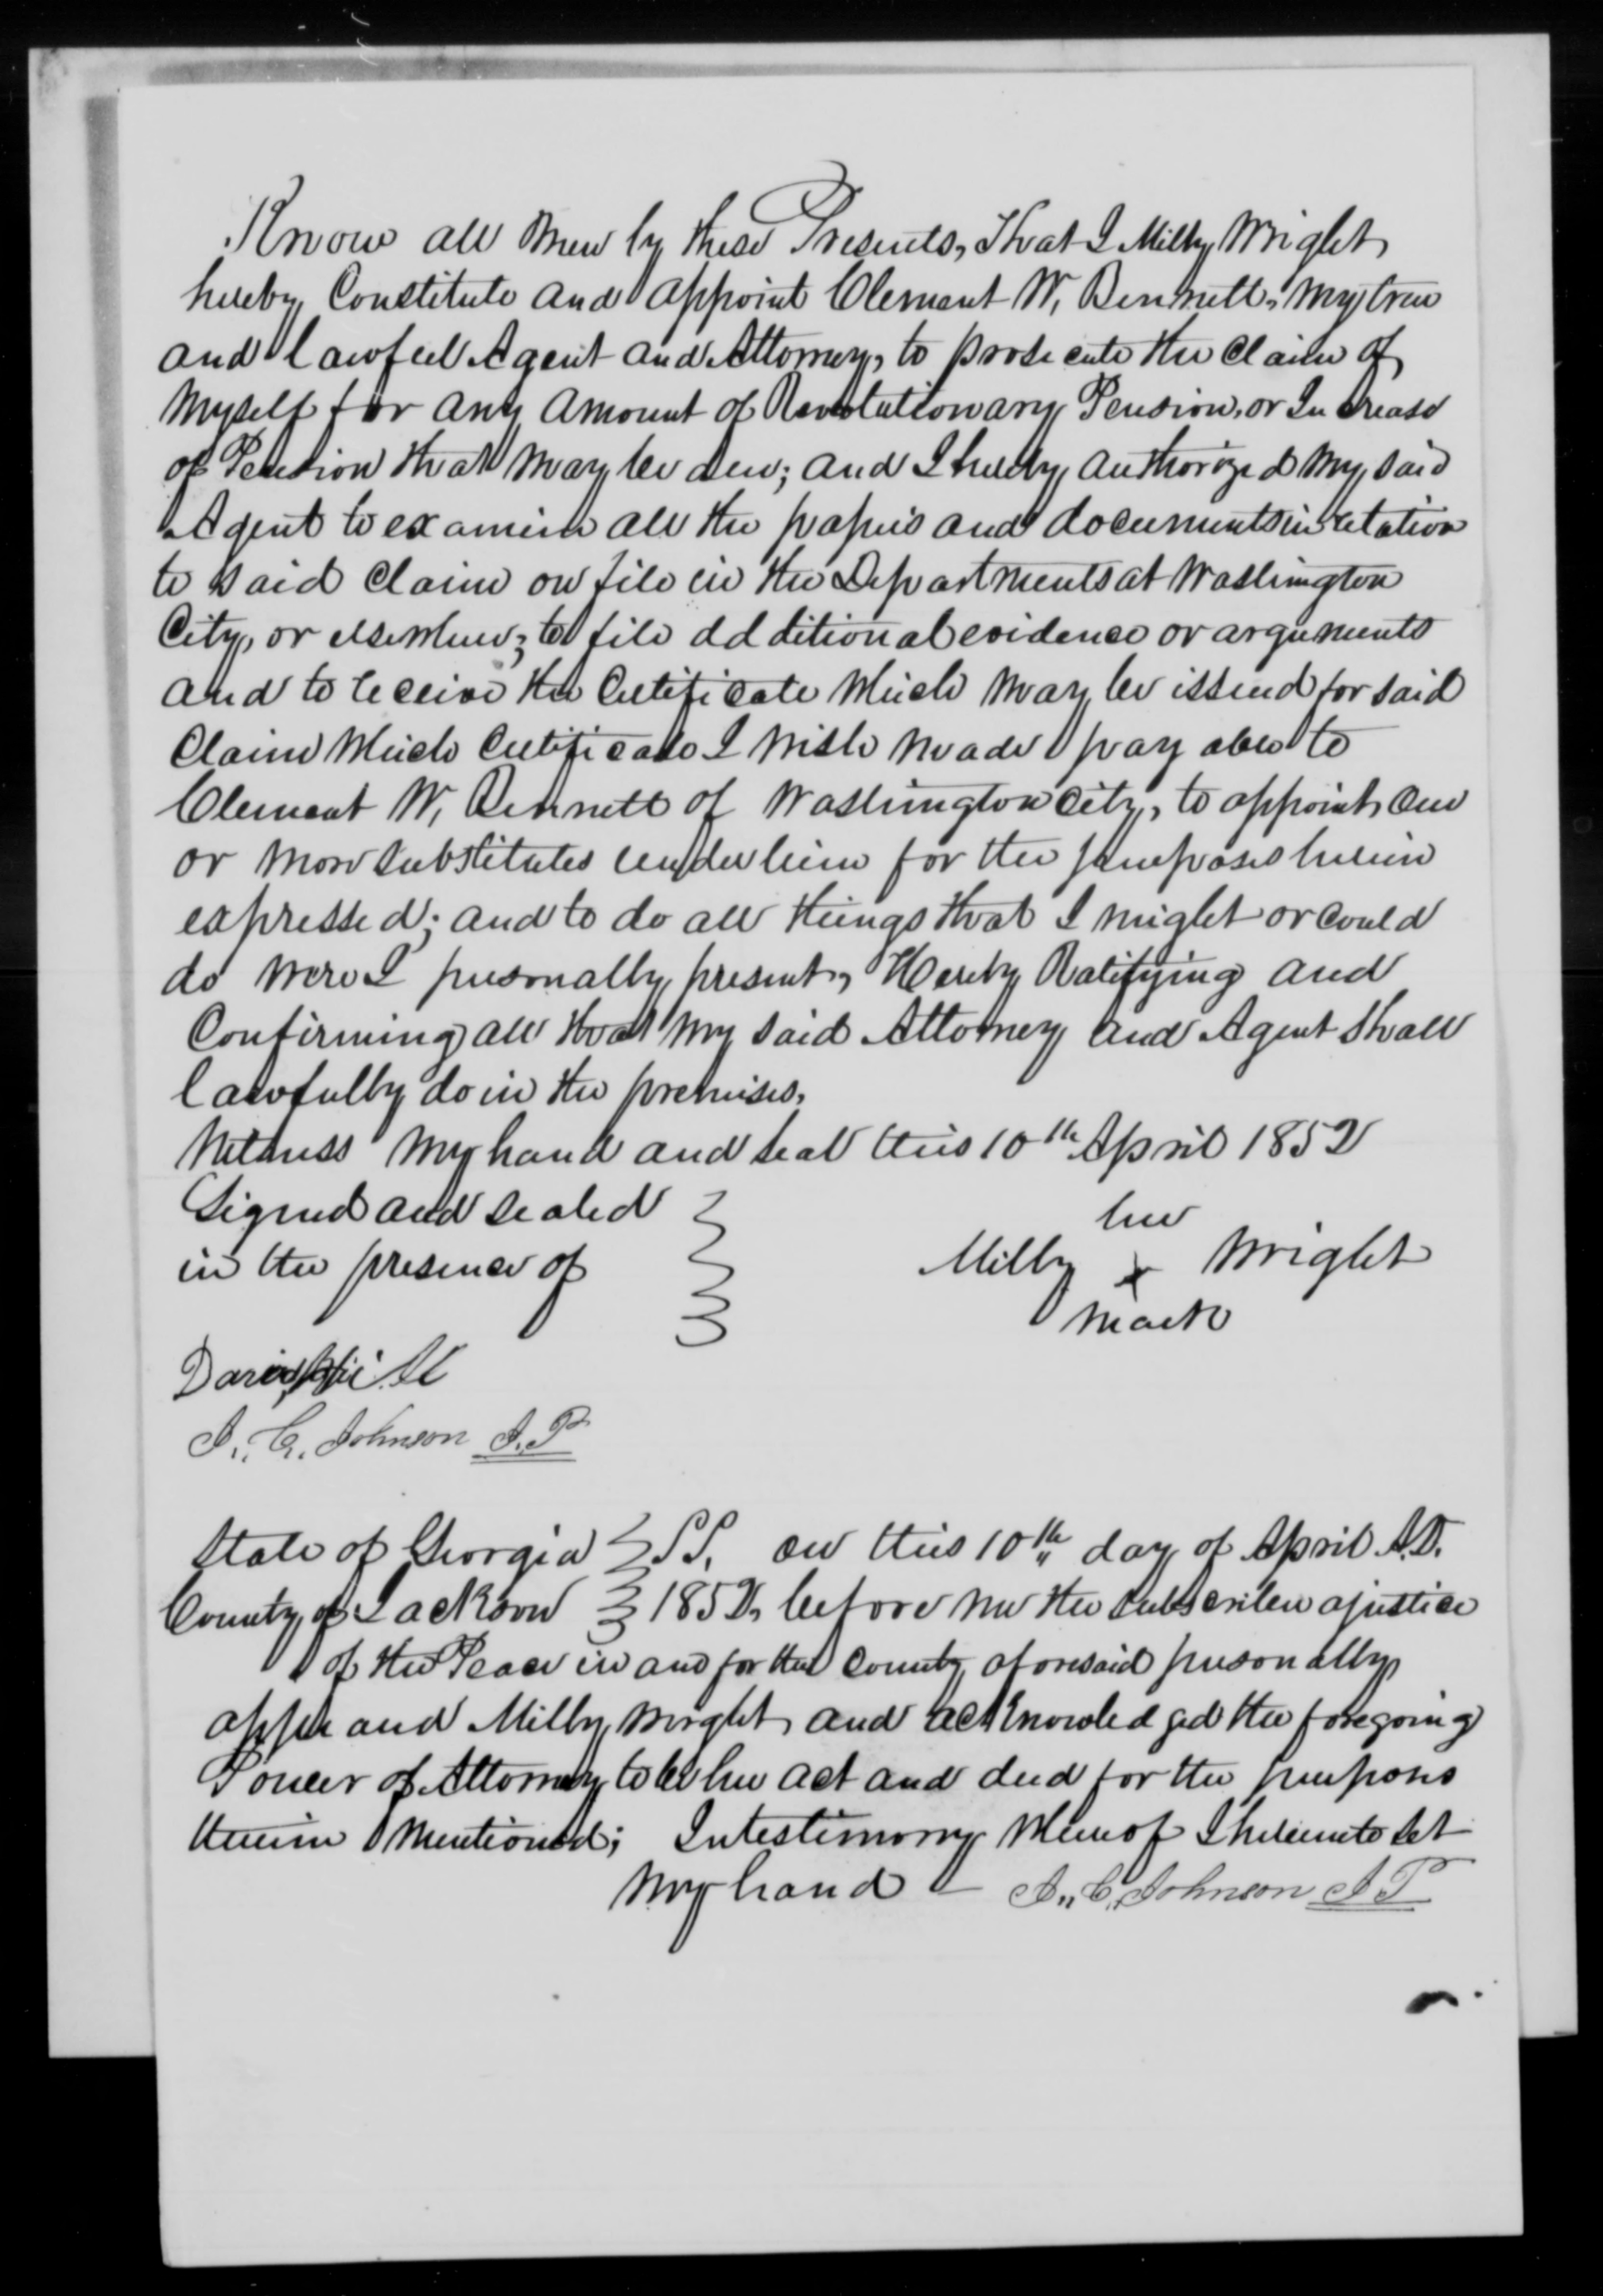Know all men by these Presents, That I Milly Wright
hereby constitute and appoint Clement W. Bennett, my true
and lawful agent and Attorney, to prosecute the claim of
myself for any amount of Revolutionary Pension, or Increase
of Pension that may be due; and I hereby authorize my said
Agent to examine all the papers and documents in relation
to said claim on file in the Departments at Washington
City, or [illegible] to file additional evidence or arguments
and to receive the certificate which may be issued for said
Claim which certificate I wish made payable to
Clement W. Bennett of Washington City, to appoint our
or more substitutes under him for the purposes herein
expressed, and to do all things that I might or could
do were I personally present, Hereby Ratifying and
Confirming all that my said Attorney and Agent shall
lawfully do in the premises,
Milly X her mark Wright
Witness my hand and seal this 10th April 1852
Signed and sealed
in the presence of
David Hill [Illegible]
J. C. Johnson J.P

State of Georgia       SS.On this 10th day of April A.D.
County of Jackson ⎬1852, before me the subscribed a justice
of the Peace in and for the County aforesaid personally
appeared Milly Wright and acknowledged the foregoing
Power of Attorney to be her act and deed for the purposes
therein mentioned; In testimony whereof I hereunto set
my hand J. C. Johnson J P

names: Milly Wright, David Hill, J C Johnson, Clement W Bennett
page: 66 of 81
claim: widow's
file: W. 5183, Bolling Wright, Va.